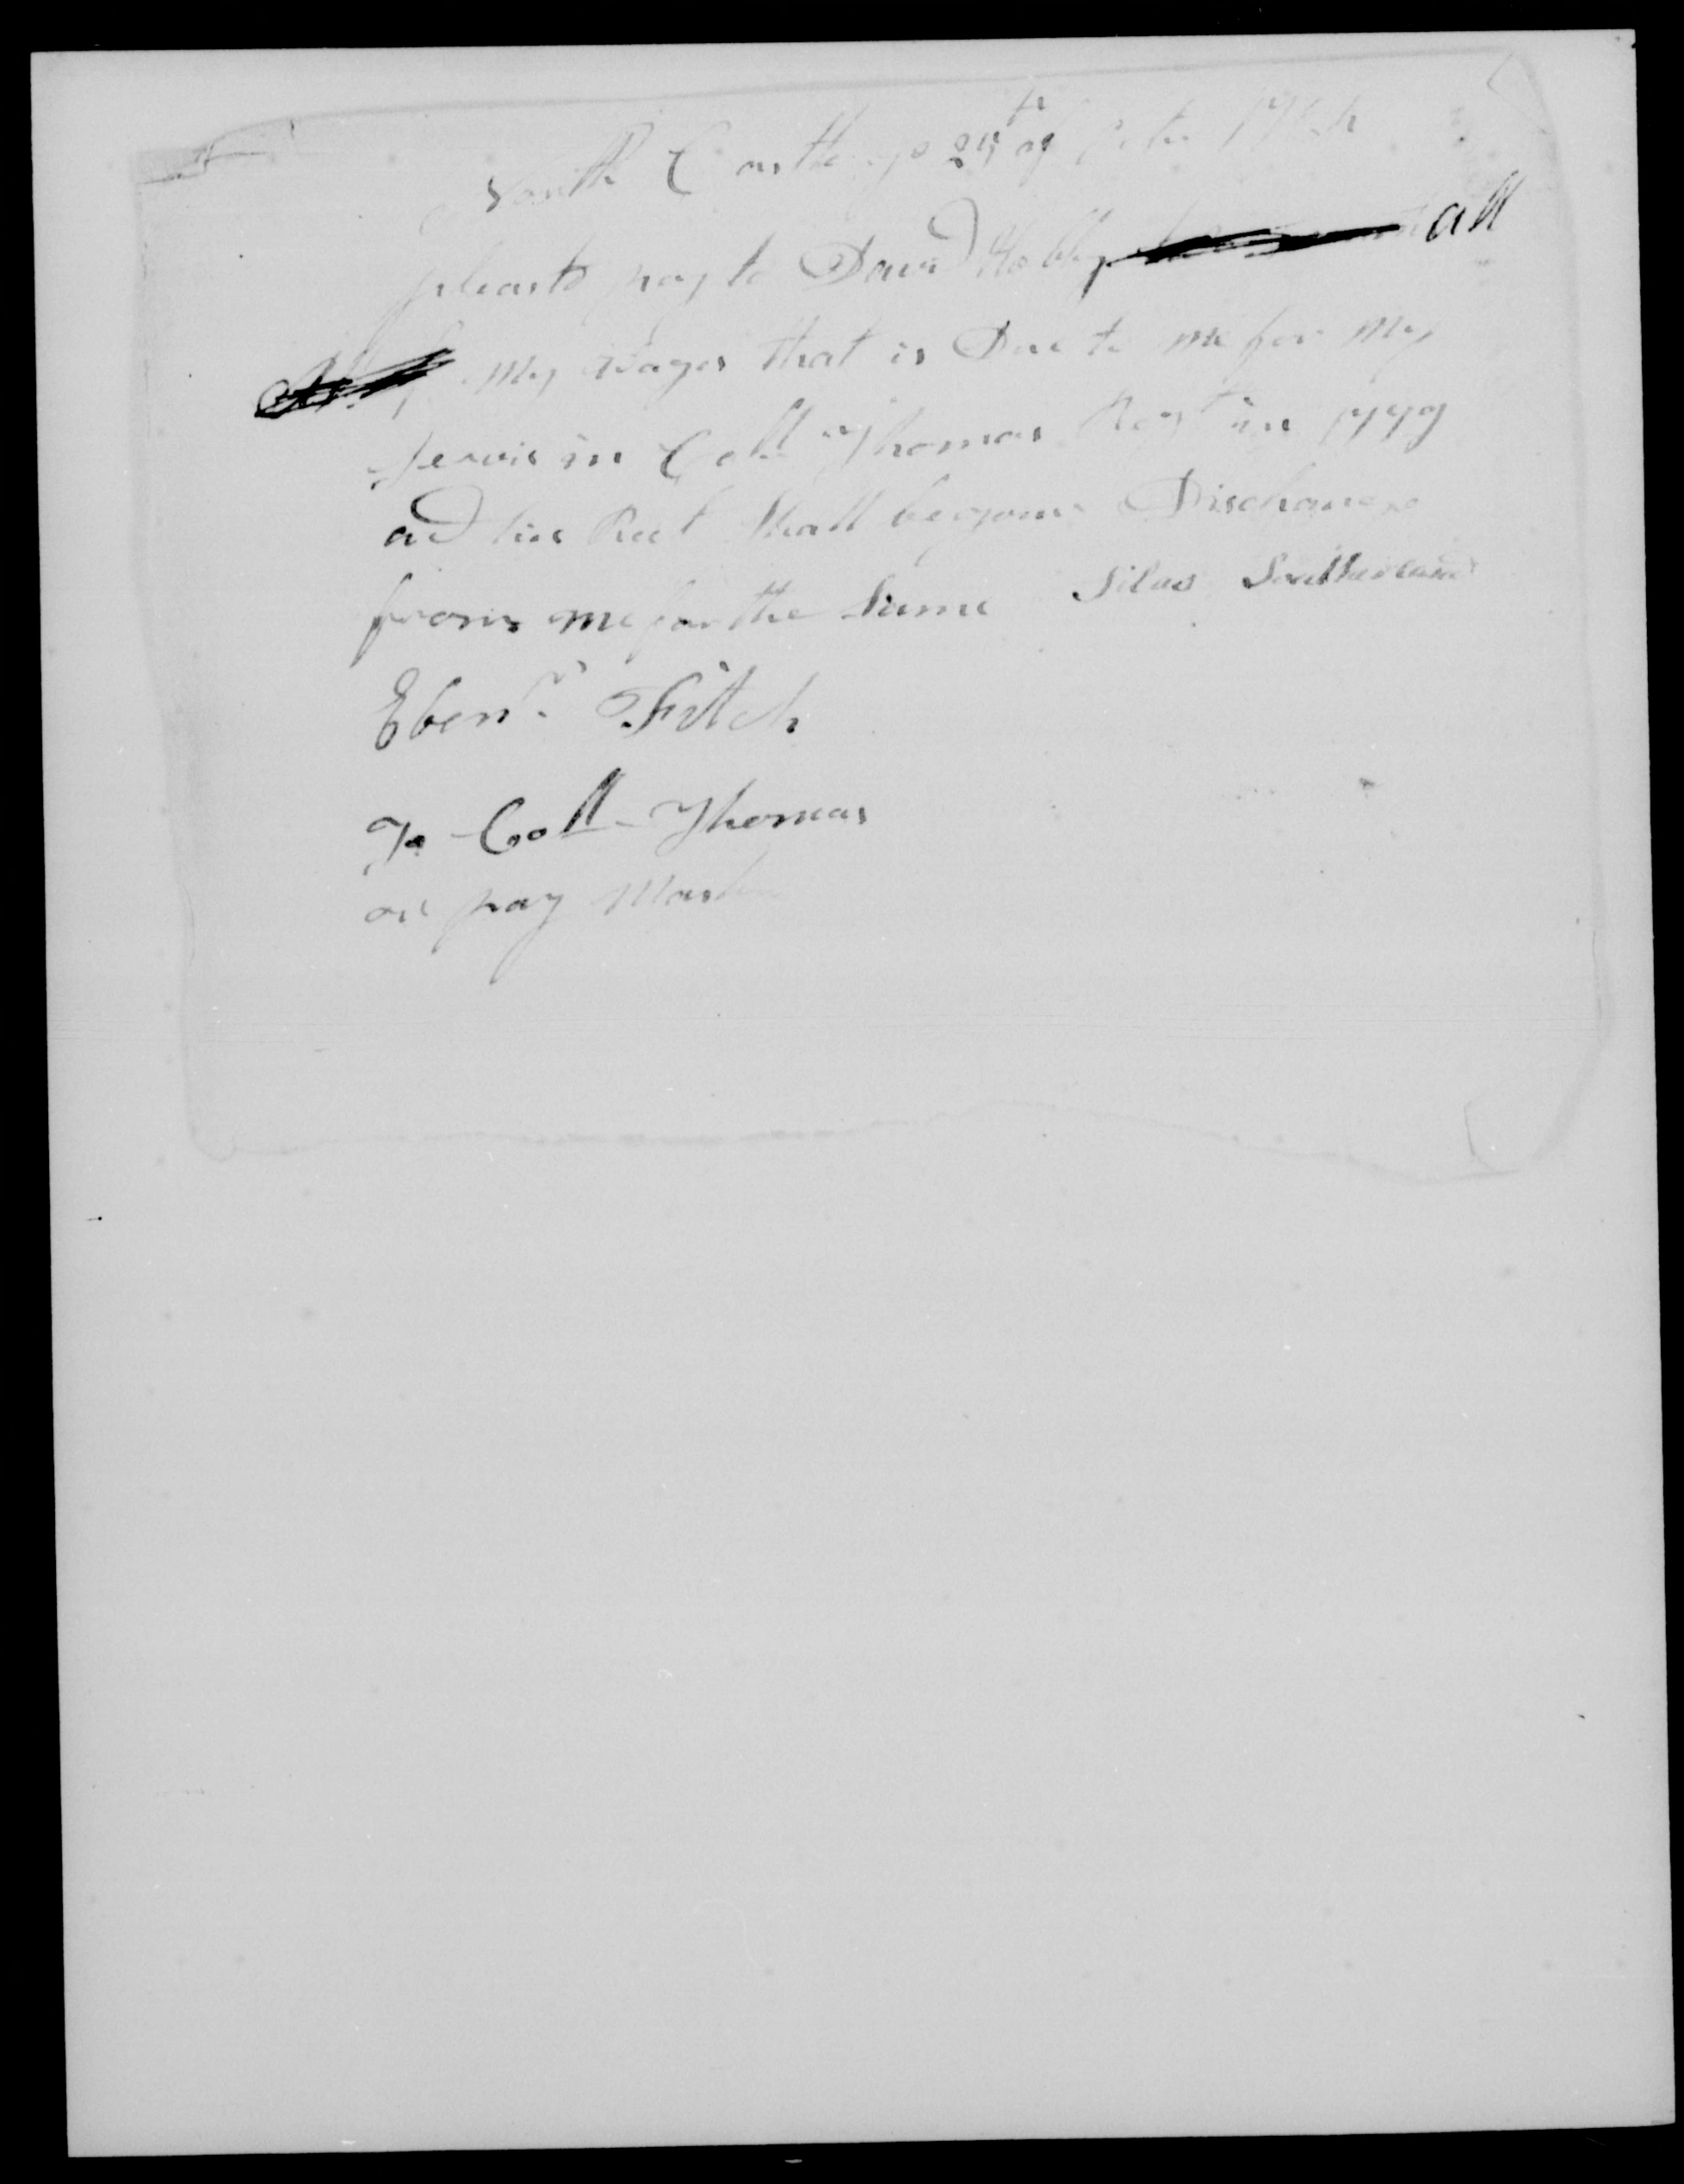North Castle Ss 24th of [?] 17[?]
pleas to pay to David Hobby All
My Wages that is Due to me for my
Service in Coll Thomas Regt in 1777
and his Rect shall be your Discharge
from me for the Same  Silas Sutherland
 Ebenr Fitch

To Coll Thomas
on pay Master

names: David Hobby; [BLANK] Thomas; Ebenr Fitch; Silas Southerland; Thomas Martin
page: 57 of 77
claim: survivor's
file: S. 23003, for Silas Southerland, New York